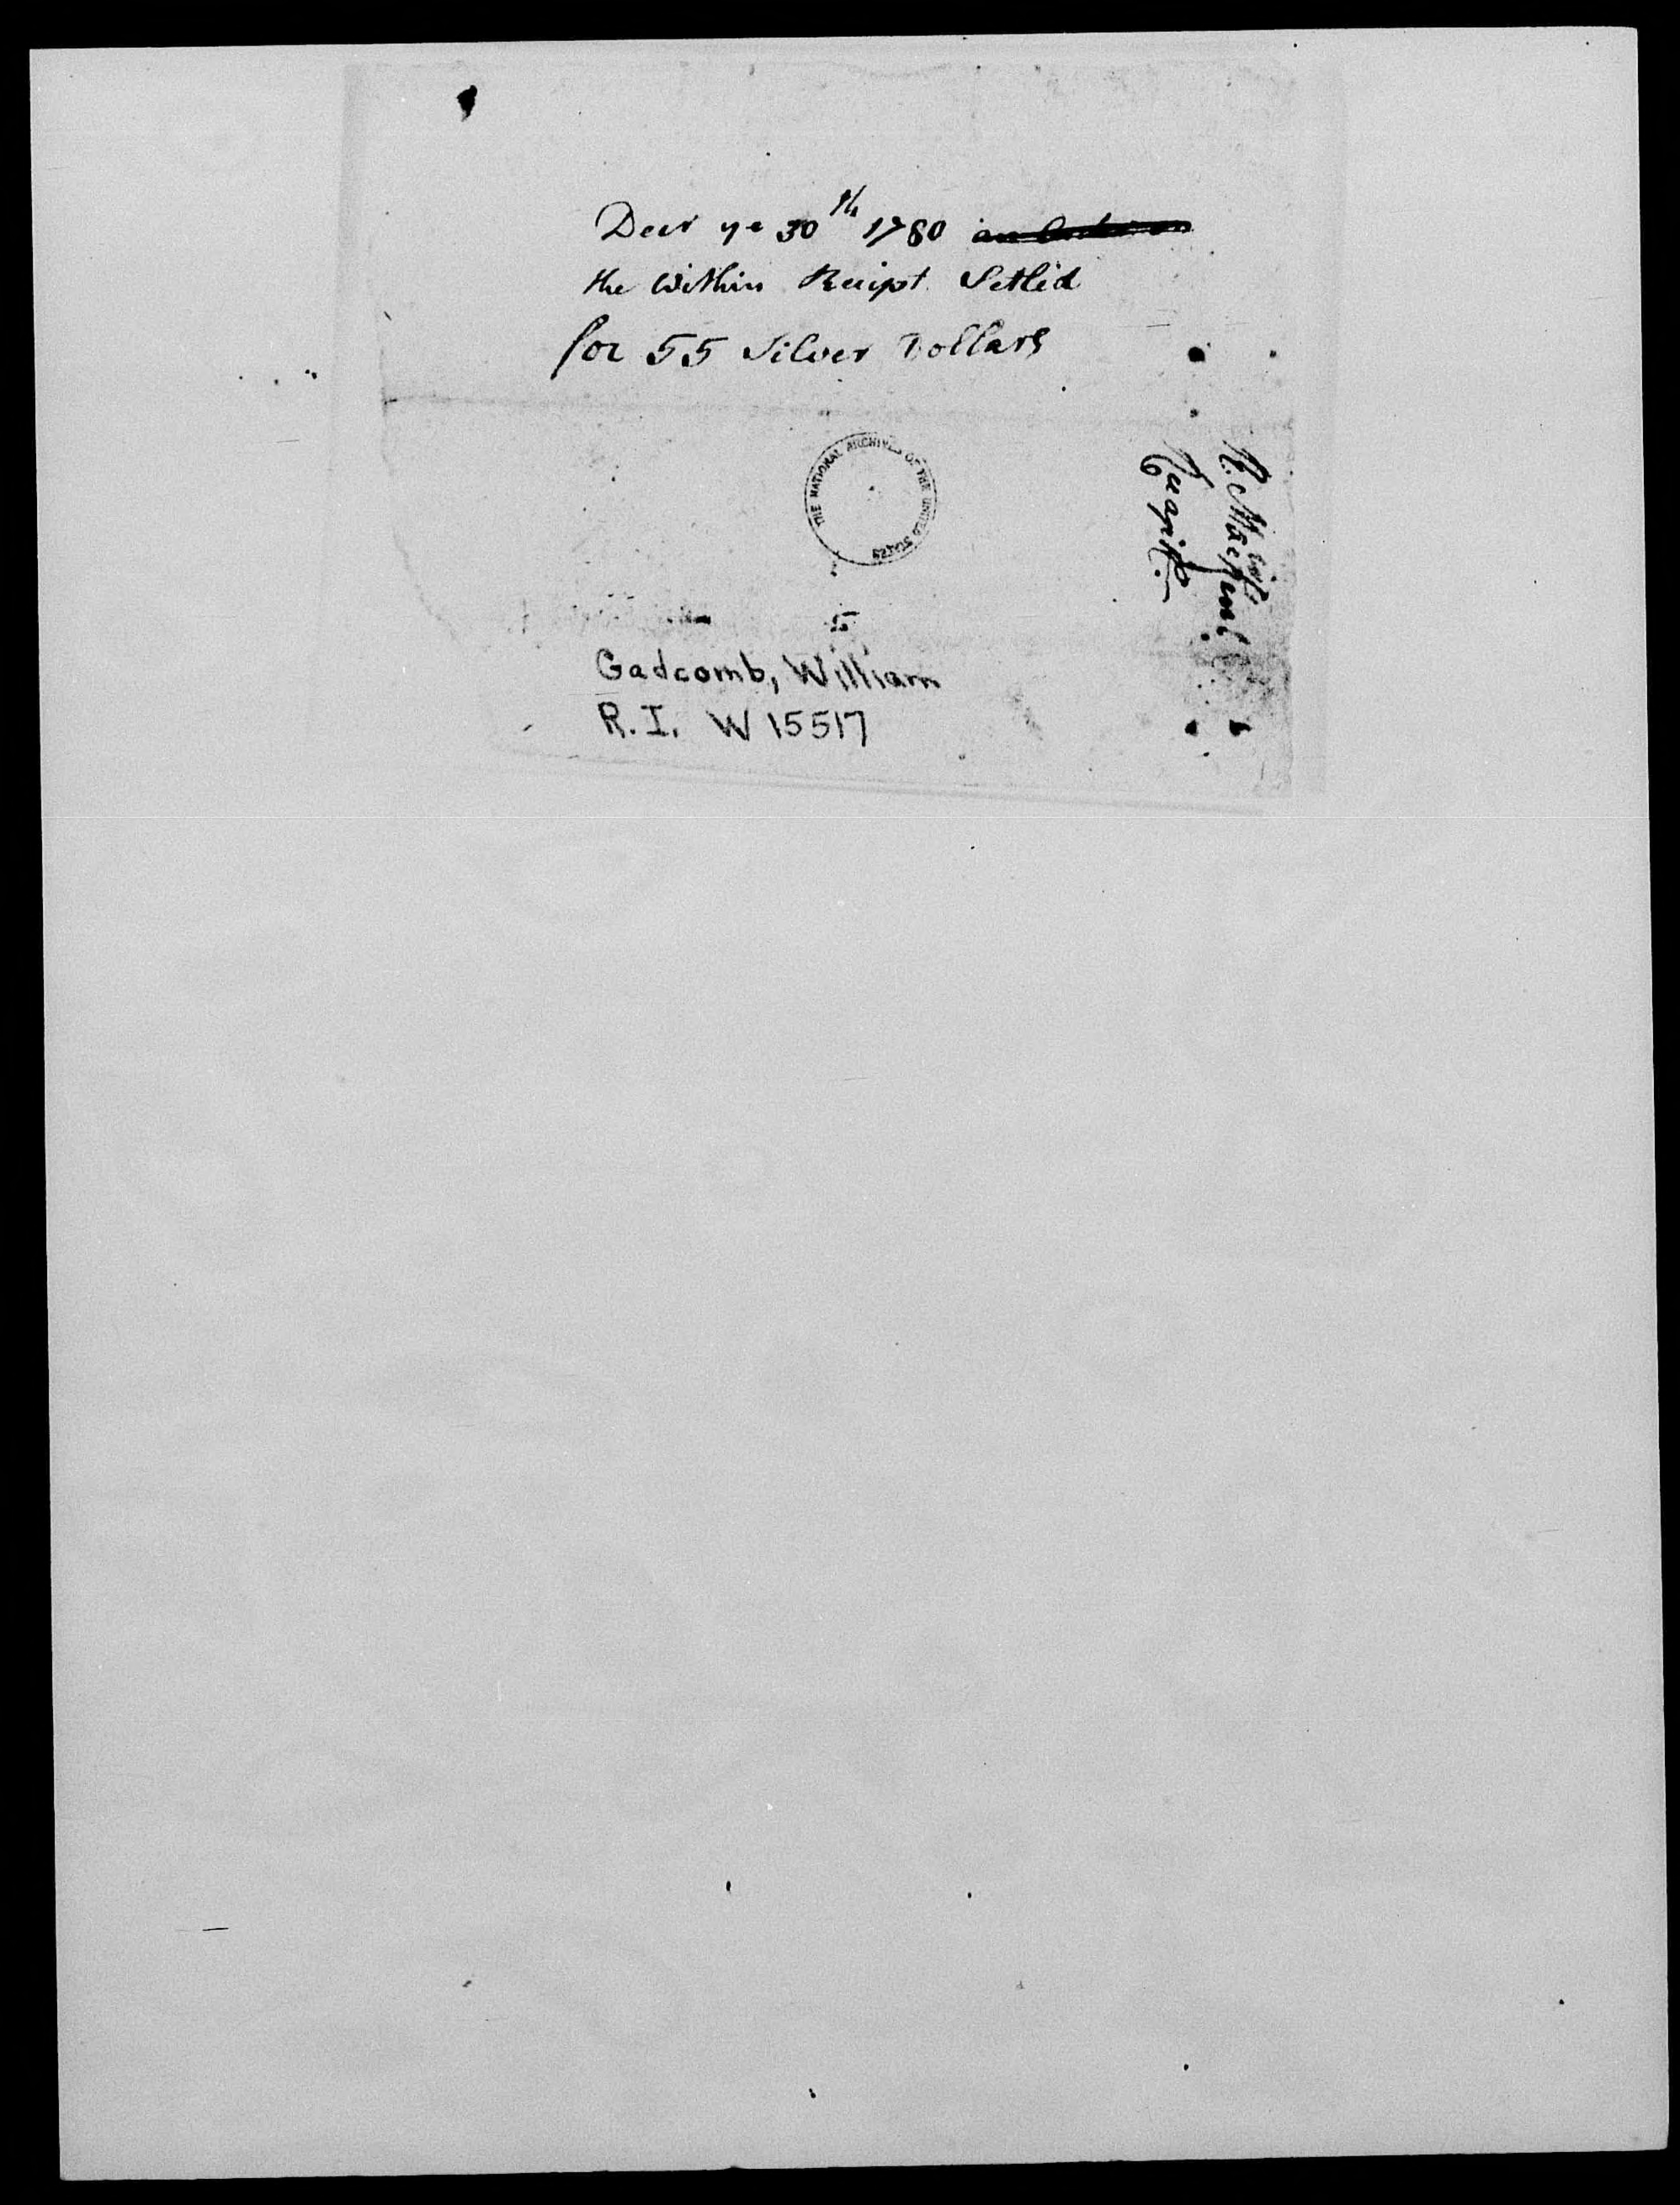Decr ye 30th 1780
the within Receipt Setled
for 55 Silver Dollars
[stamp] THE NATIONAL ARCHIVES OF THE UNITED STATES
Gadcomb, William
R. I. W15517
R. MacKentire
[illegible]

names: William Gadcomb, R Mackentire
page: 17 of 76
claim: widow's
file: W. 15,517, William Gadcomb, R.I.